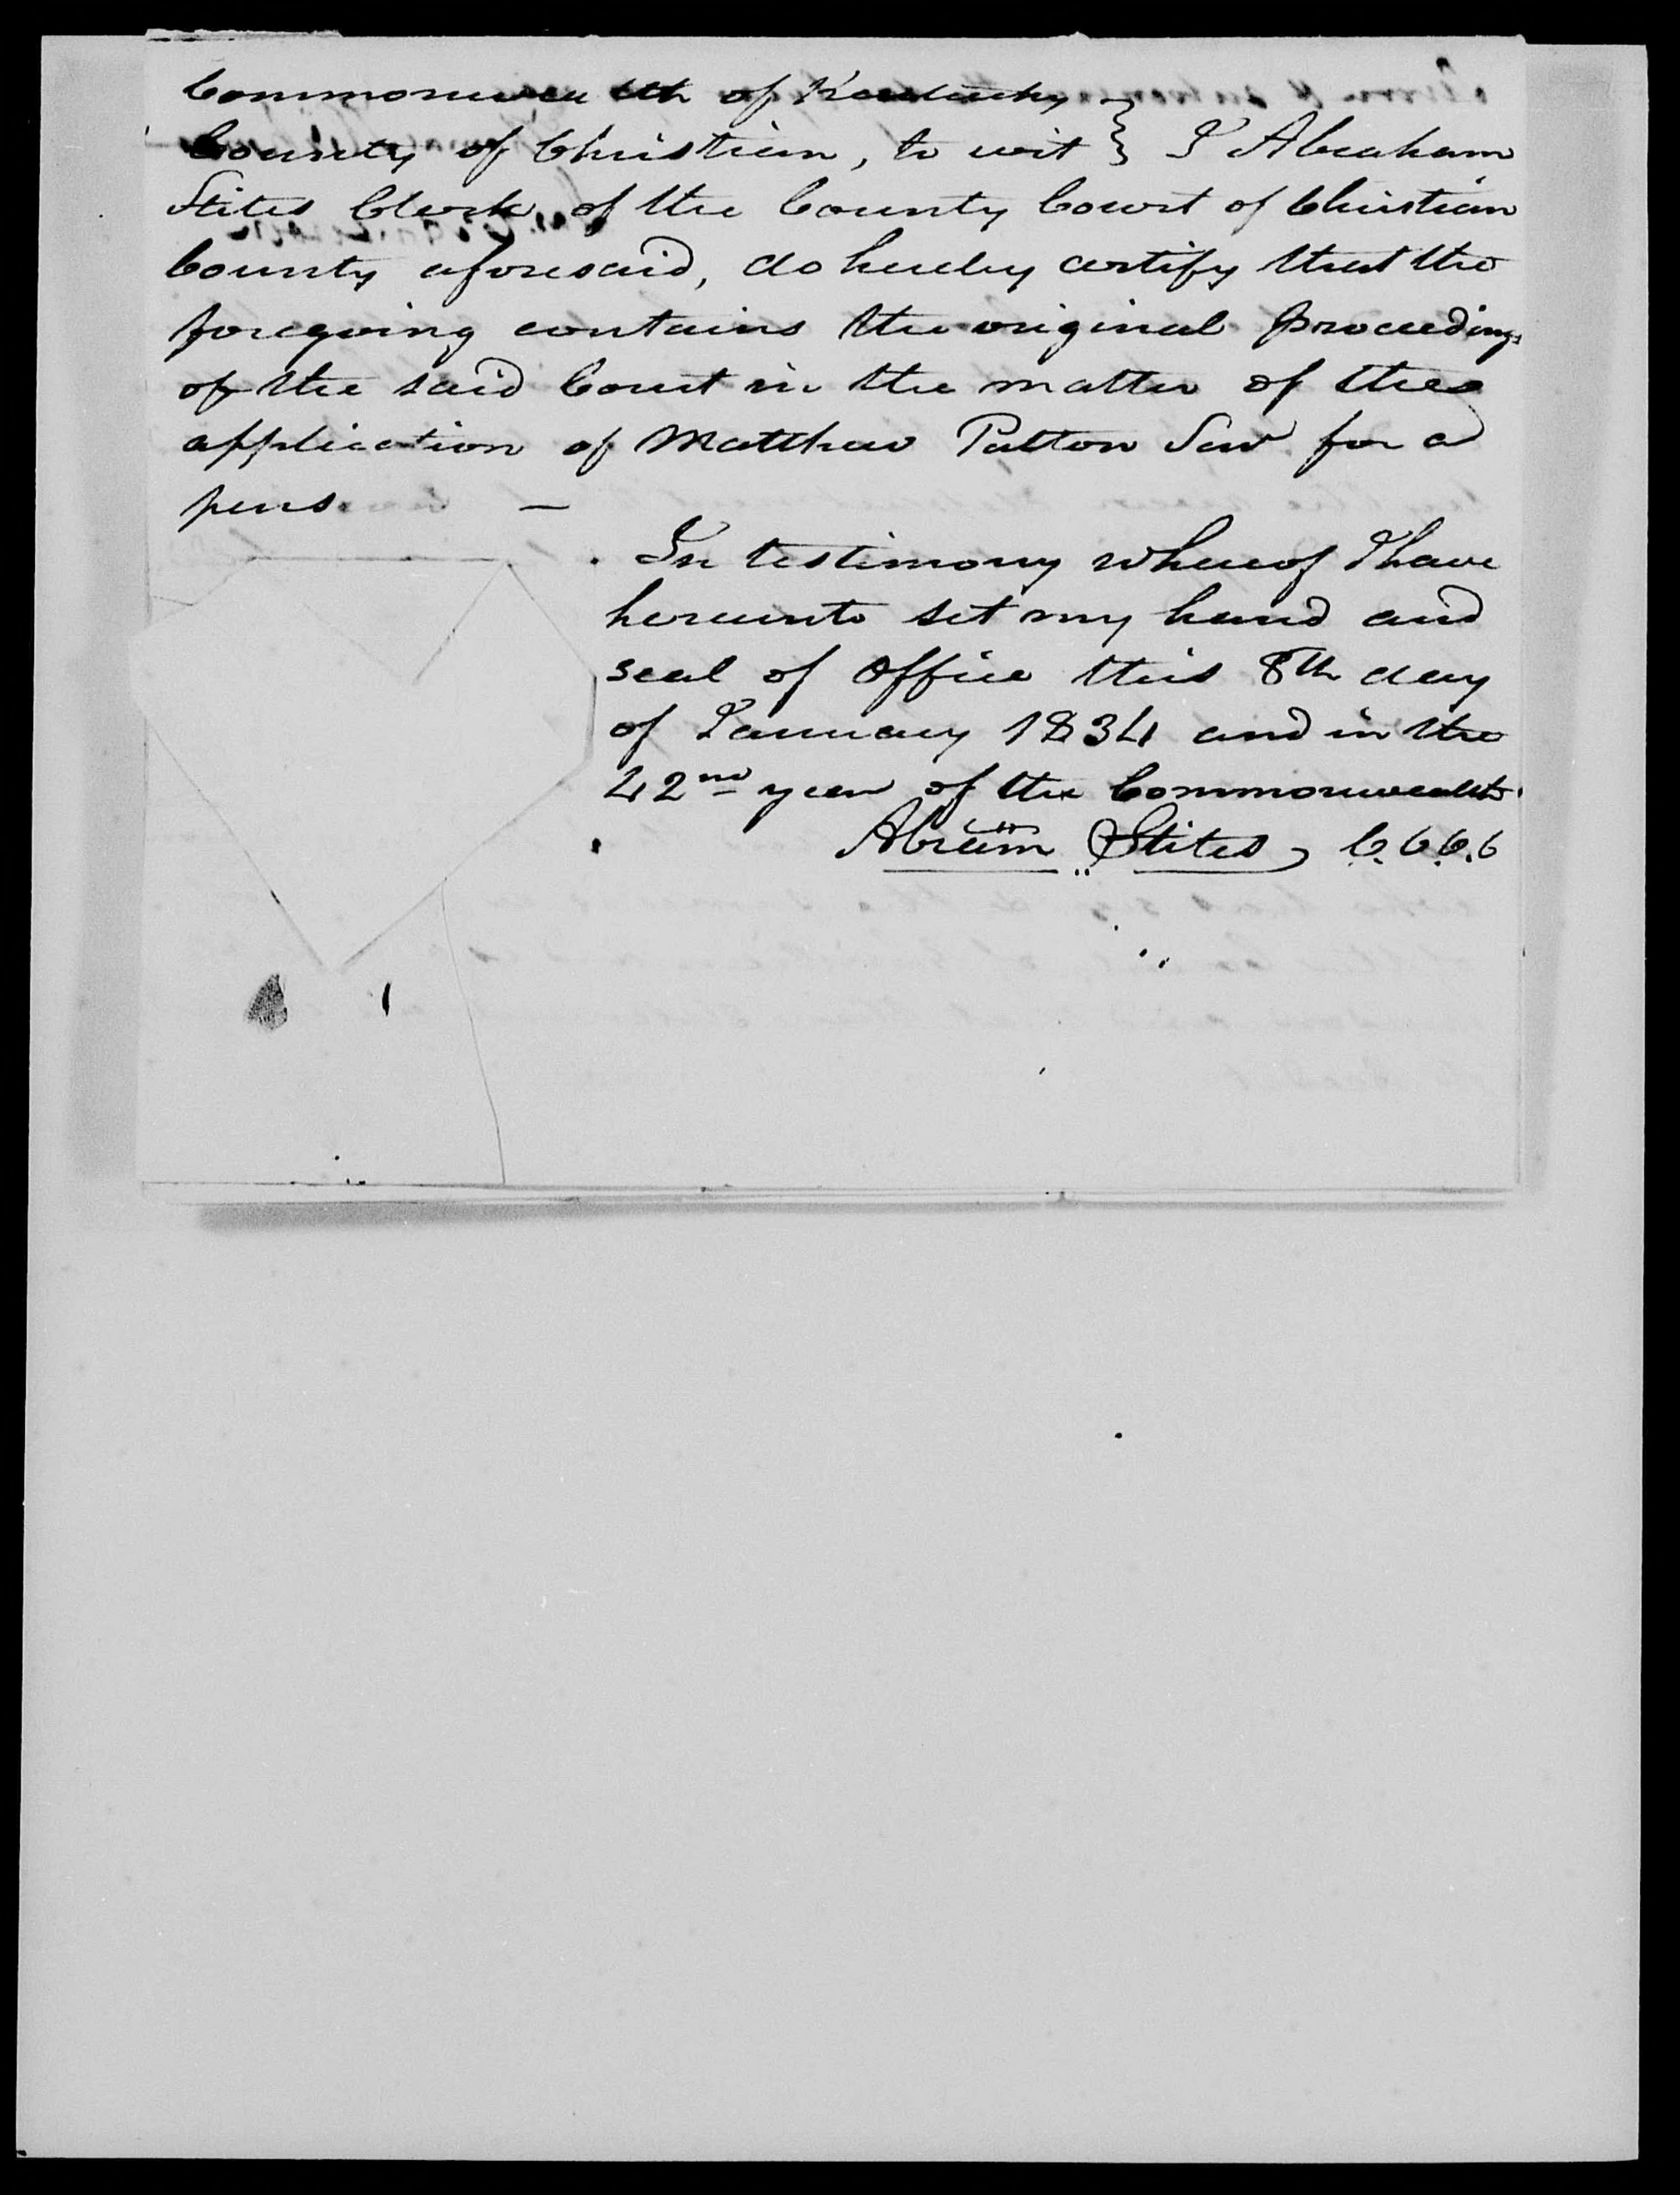Commonwealth of Kentucky
County of Christian, to wit ⎬ I Abraham
Stiles Clerk of the County Court of Christian
County aforesaid, do hereby certify that the
foregoing contains the original proceedings
of the said Court in the matter of the
application of Matthew Pulton Sen for
pension
-
In testimony whereof I have
hereunto set my hand and
seal of Office this 8th day
of January 1834 and in the
42 year of the Commonwealth.
Abram Stites C.C.C.C
[Paper Seal]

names: Abraham Stiles; Matthew Patton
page: 11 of 45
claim: survivor's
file: S. 31294, for Matthew Patton, Maryland